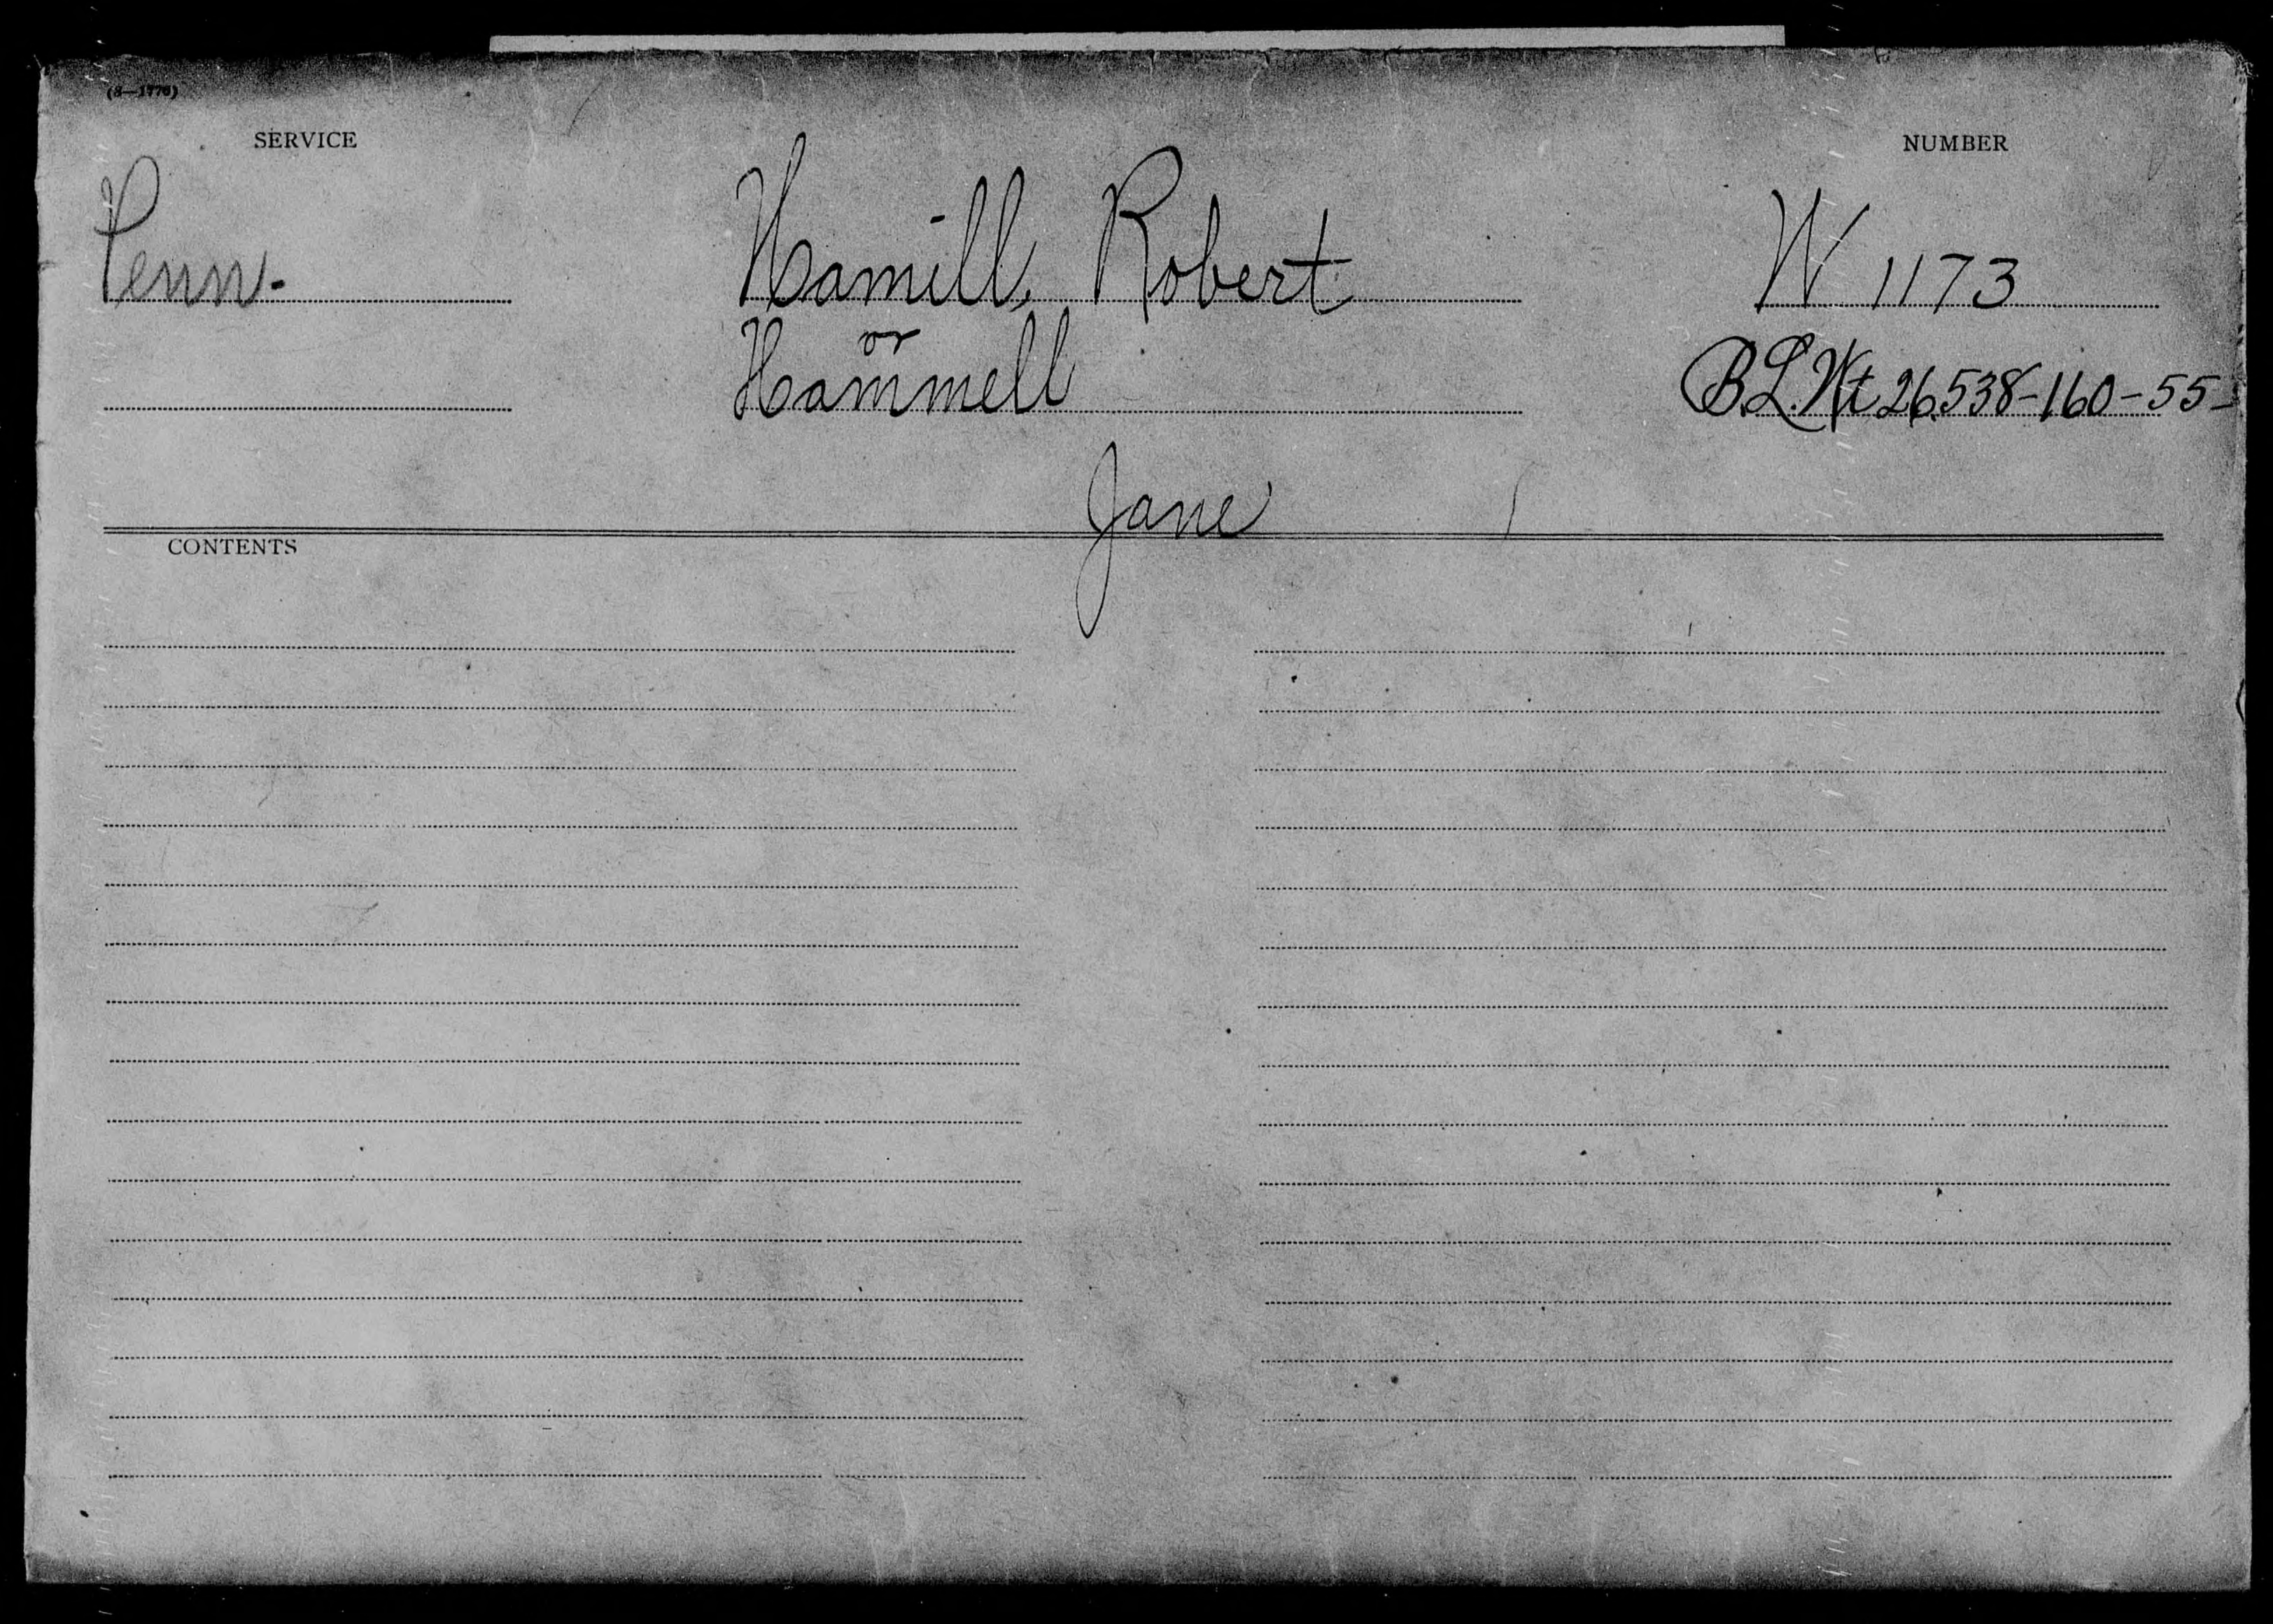Penn Wamill Robert  or Wammell  W 1173
BLWt 26538-160-553
Jane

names: Robert Hammell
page: 1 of 92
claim: widow's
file: W 1173, Robert Hamill, Penn.